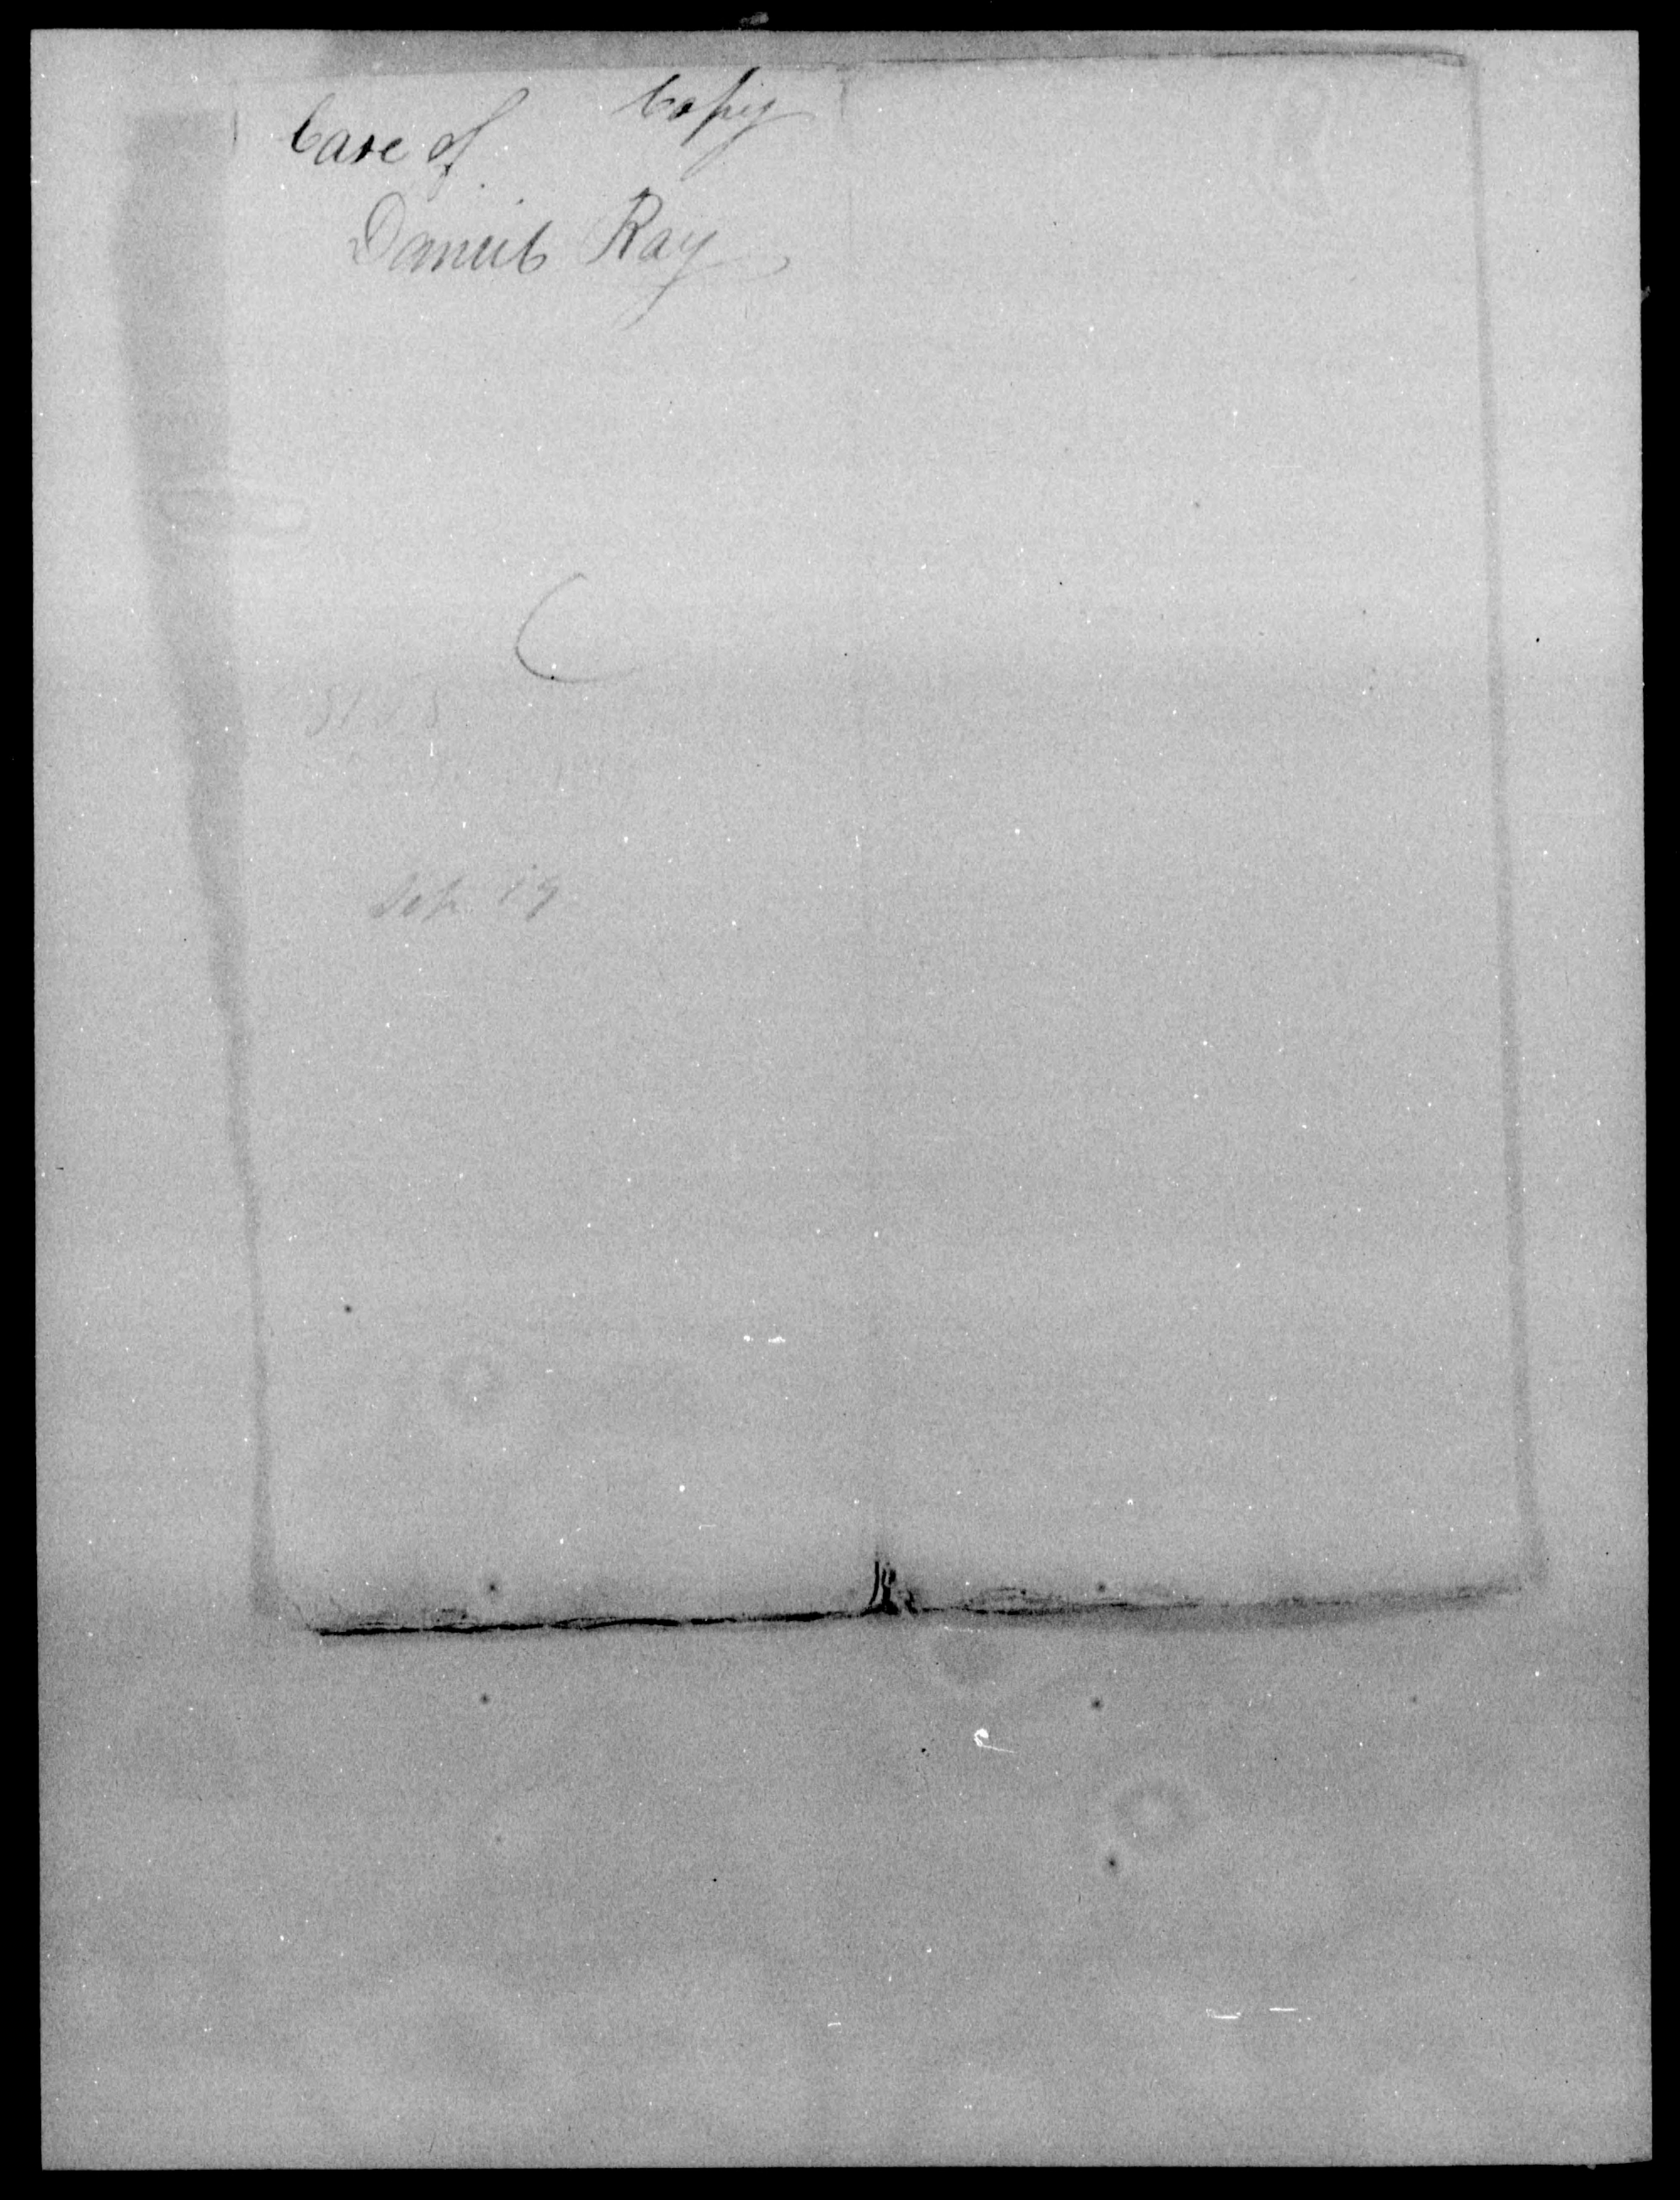Copy
Case of
Daniel Ray

Sep 19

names: Daniel Ray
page: 11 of 20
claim: survivor's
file: S. 43891, for Daniel Ray, Connecticut